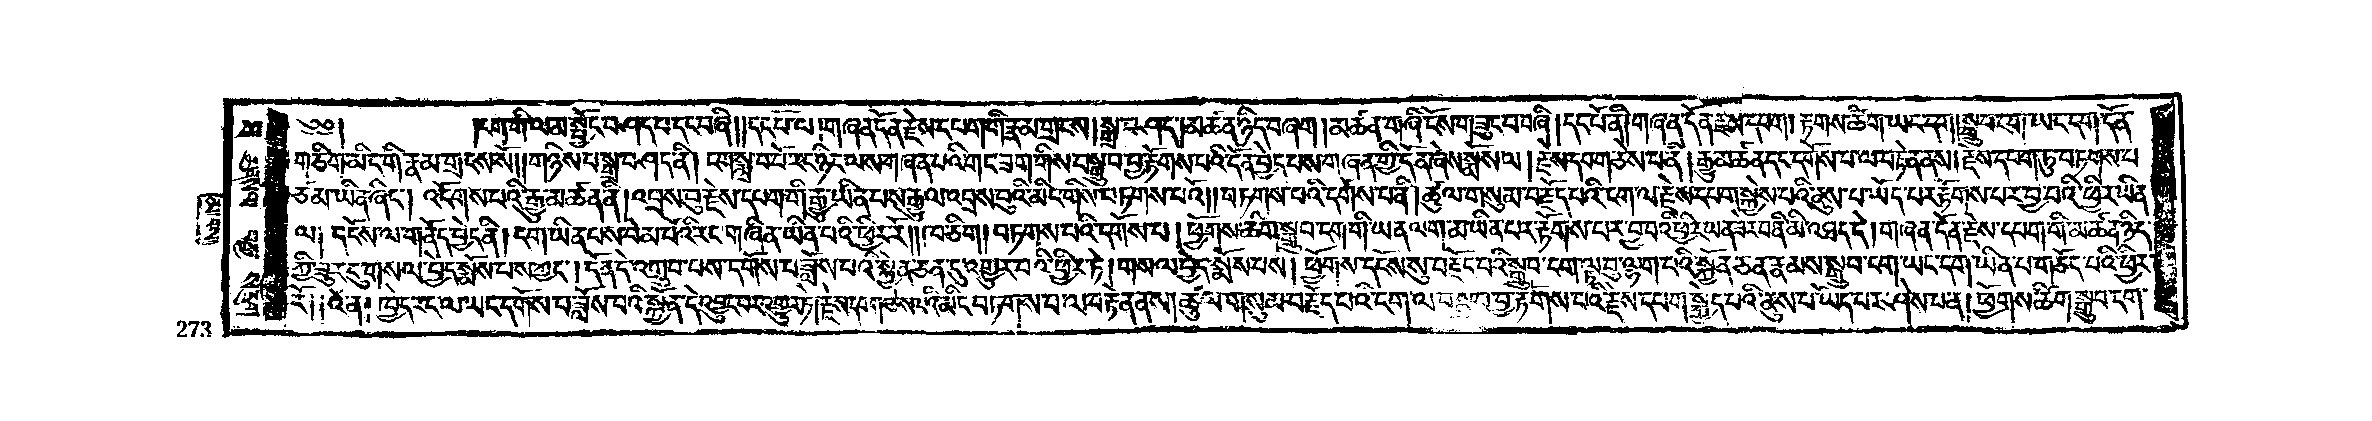༄༅། །ངག་གི་ལམ་སྦྱོང་བཤད་པ་དང་བཞི། །དང་པོ་ལ། གཞན་དོན་རྗེས་དཔག་གི་རྣམ་གྲངས། སྒྲ་བཤད། མཚན་ཉིད་བཞག །མཚན་གཞི་ངེས་གཟུང་བ་བཞི། དང་པོ་ནི། གཞན་དོན་རྗེས་དཔག །རྟགས་ཚིག་ཡང་དག། སྒྲུབ་དག་ཡང་དག་དོན་
གཅིག་མིང་གི་རྣམ་གྲངས་སོ། །གཉིས་པ་སྒྲ་བཤད་ནི། ངག་སྨྲ་བ་པོ་རང་ཉིད་ལས་གཞན་པའི་གང་ཟག་གིས་བསྒྲུབ་བྱ་རྟོགས་པའི་དོན་བྱེད་པས་གཞན་གྱི་དོན་ཞེས་སྨོས་ལ། རྗེས་དཔག་ཅེས་པ་ནི། རྒྱུ་མཚན་དང་དགོས་པ་ལ་བརྟེན་ནས། རྗེས་དཔག་ཏུ་བཏགས་པ་
ཙམ་ཡིན་ཞིང་། འདོགས་པའི་རྒྱུ་མཚན་ནི། འབྲས་བུ་རྗེས་དཔག་གི་རྒྱུ་ཡིན་པས་རྒྱུ་ལ་འབྲས་བུའི་མིང་གིས་བཏགས་པའོ། །བཏགས་པའི་དགོས་པ་ནི། ཚུལ་གསུམ་བརྗོད་པའི་ངག་ལ་རྗེས་དཔག་སྐྱེས་པའི་ནུས་པ་ཡོད་པར་རྟོགས་པར་བྱ་བའི་ཕྱིར་ཡིན་
ལ། དངོས་ལ་གནོད་བྱེད་ནི། ངག་ཡིན་པས་བེམ་པོའི་རང་བཞིན་ཡིན་པའི་ཕྱིར་རོ། །ཁ་ཅིག །བཏགས་པའི་དགོས་པ། ཕྱོགས་ཚིག་སྒྲུབ་དག་གི་ཡན་ལག་མ་ཡིན་པར་རྟོགས་པར་བྱ་བའི་ཕྱིར་ཡིན་ཟེར་བ་ནི་མི་འཐད་དེ། གཞན་དོན་རྗེས་དཔག་གི་མཚན་ཉིད་
ཀྱི་ཟུར་དུ་གསལ་བྱེད་སྨོས་པས་ཀྱང་། དོན་དེ་འགྲུབ་པས་དགོས་པ་ཟློས་པའི་སྐྱོན་ཅན་དུ་འགྱུར་བའི་ཕྱིར་ཏེ། གསལ་བྱེད་སྨོས་པས། ཕྱོགས་དངོས་སུ་བརྗོད་པའི་སྒྲུབ་དག་ལྟ་བུ་ལྷག་པའི་སྐྱོན་ཅན་རྣམས་སྒྲུབ་དག་ཡང་དག་ཡིན་པ་གཅོད་པའི་ཕྱིར་
རོ། །འོ་ན། ཁྱེད་རང་ལ་ཡང་དགོས་པ་ཟློས་པའི་སྐྱོན་དེ་འབྱུང་བར་འགྱུར་ཏེ། རྗེས་དཔག་ཅེས་པའི་མིང་བཏགས་པ་ལ་བརྟེན་ནས། ཚུལ་གསུམ་བརྗེད་པའི་ངག་ལ་བསྒྲུབ་བྱ་རྟོགས་པའི་རྗེས་དཔག་སྐྱེད་པའི་ནུས་པ་ཡོད་པར་ཤེས་པ་ན། ཕྱོགས་ཚིག་སྒྲུབ་ངག་